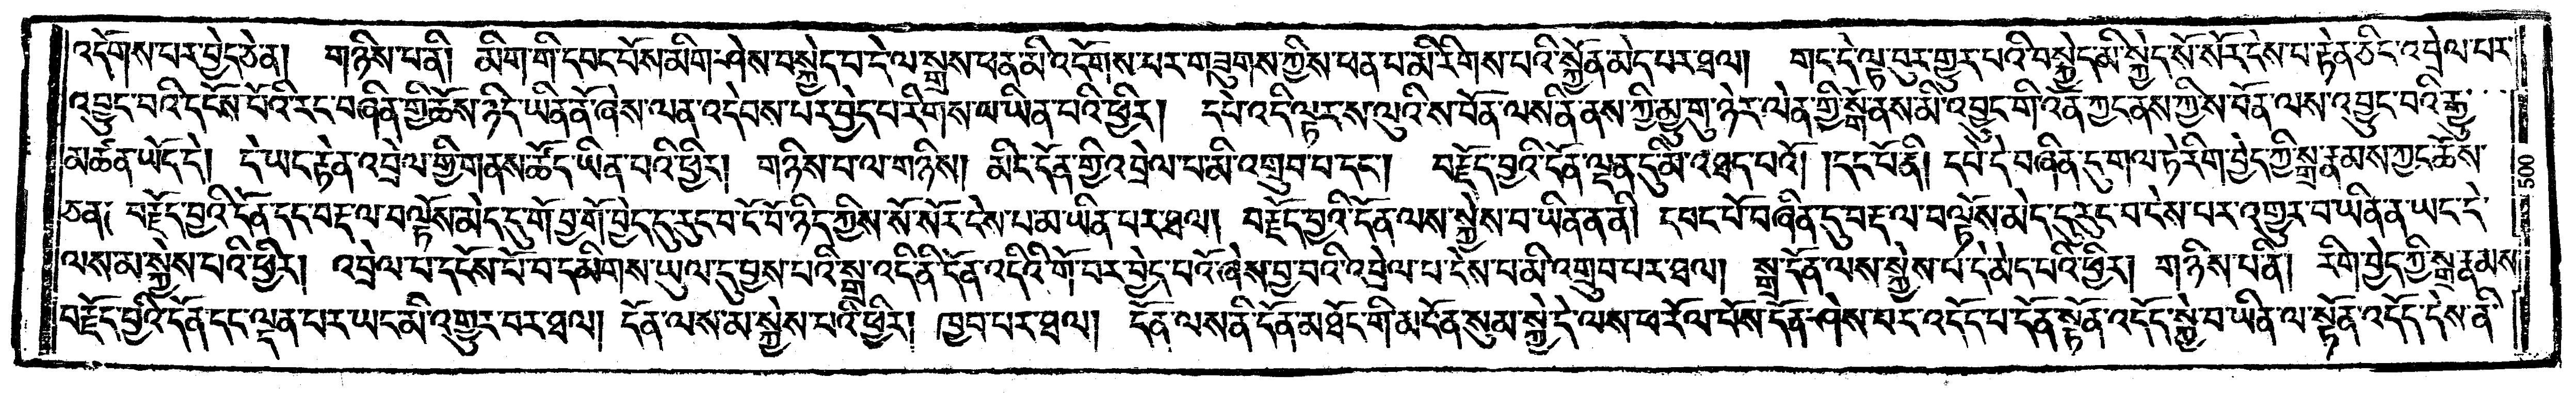འདོགས་པར་བྱེད་ཅེ་ན། གཉིས་པ་ནི། མིག་གི་དབང་པོས་མིག་ཤེས་བསྐྱེད་པ་དེ་ལ་སྒྲས་ཕན་མི་འདོགས་པར་གཟུགས་ཀྱིས་ཕན་པ་མི་རིགས་པའི་སྐྱོན་མེད་པར་ཐལ། གང་དེ་ལྟ་བུར་གྱུར་པའི་བསྐྱེད་མི་སྐྱེད་སོ་སོར་ངེས་པ་རྟེན་ཅིང་འབྲེལ་པར་
འབྱུང་བའི་དངོས་པོའི་རང་བཞིན་གྱི་ཆོས་ཉིད་ཡིན་ནོ་ཞེས་ལན་འདེབས་པར་བྱེད་པ་རིགས་པ་ཡིན་པའི་ཕྱིར། དཔེ་འདི་ལྟར་ས་ལུའི་ས་བོན་ལས་ནི་ནས་ཀྱི་མྱུ་གུ་ཉེར་ལེན་གྱི་སྒོ་ནས་མི་འབྱུང་གི་འོན་ཀྱང་ནས་ཀྱི་ས་བོན་ལས་འབྱུང་བའི་རྒྱུ་
མཚན་ཡོད་དེ། དེ་ཡང་རྟེན་འབྲེལ་གྱི་གནས་ཚོད་ཡིན་པའི་ཕྱིར། གཉིས་པ་ལ་གཉིས། མིང་དོན་གྱི་འབྲེལ་པ་མི་འགྲུབ་པ་དང་། བརྗོད་བྱའི་དོན་ལྡན་དུ་མི་འཐད་པའོ། །དང་པོ་ནི། དཔེ་དེ་བཞིན་དུ་གལ་ཏེ་རིག་བྱེད་ཀྱི་སྒྲ་རྣམས་ཀྱང་ཆོས་
ཅན། བརྗོད་བྱའི་དོན་དང་བརྡ་ལ་བལྟོས་མེད་དུ་གོ་བྱ་གོ་བྱེད་དུ་རུང་བ་ངོ་བོ་ཉིད་ཀྱིས་སོ་སོར་ངེས་པ་མ་ཡིན་པར་ཐལ། བརྗོད་བྱའི་དོན་ལས་སྐྱེས་པ་ཡིན་ན་ནི། དབང་པོ་བཞིན་དུ་བརྡ་ལ་བལྟོས་མེད་དུ་རུང་བ་ངེས་པར་འགྱུར་བ་ཡིན་ན་ཡང་དེ་
ལས་མ་སྐྱེས་པའི་ཕྱིར། འབྲེལ་པ་དངོས་པོ་བ་དམིགས་ཡུལ་དུ་བྱས་པའི་སྒྲ་འདི་ནི་དོན་འདིའི་གོ་བར་བྱེད་པའོ་ཞེས་བྱ་བའི་འབྲེལ་པ་ངེས་པ་མི་འགྲུབ་པར་ཐལ། སྒྲ་དོན་ལས་སྐྱེས་པ་དེ་མེད་པའི་ཕྱིར། གཉིས་པ་ནི། རིག་བྱེད་ཀྱི་སྒྲ་རྣམས་
བརྗོད་བྱའི་དོན་དང་ལྡན་པར་ཡང་མི་འགྱུར་བར་ཐལ། དོན་ལས་མ་སྐྱེས་པའི་ཕྱིར། ཁྱབ་པར་ཐལ། དོན་ལས་ནི་དོན་མཐོང་གི་མངོན་སུམ་སྐྱེ་དེ་ལས་ཕ་རོལ་པོས་དོན་ཤེས་པར་འདོད་པ་དོན་སྟོན་འདོད་སྐྱེ་བ་ཡིན་ལ་སྟོན་འདོད་དེས་ནི་